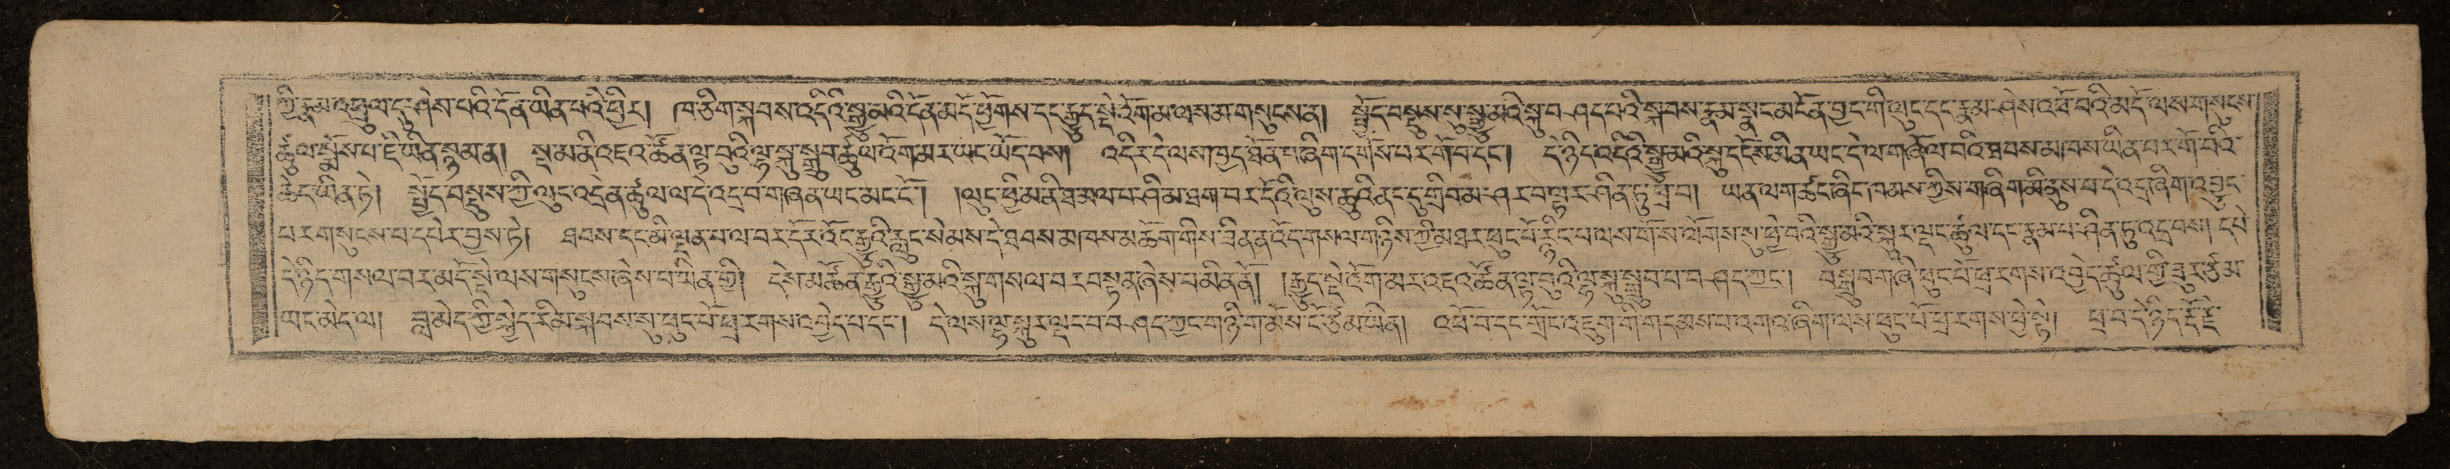ཀྱི་རྣམ་འཕྲུལ་དུ་ཤེས་པའི་དོན་ཡིན་པའི་ཕྱིར། ཁ་ཅིག་སྐབས་འདིའི་སྒྱུ་མའི་དོན་མདོ་ཕྱོགས་དང་རྒྱུད་སྡེ་འོག་མ་ལས་མ་གསུངས་ན། སྤྱོད་བསྡུས་སུ་སྒྱུ་མའི་སྐུ་བཤད་པའི་སྐབས་རྣམ་སྣང་མངོན་བྱང་གི་ལུང་དང་རྣམ་ཤེས་འཕོ་བའི་མདོ་ལས་གསུངས་
ཚུལ་སྨོས་པ་ཇི་ཡིན་སྙམ་ན། སྔ་མ་ནི་འཇའ་ཚོན་ལྟ་བུའི་ལྷ་སྐུ་སྒྲུབ་ཚུལ་འོག་མར་ཡང་ཡོད་པས། འདིར་དེ་ལས་ཁྱད་ཐོན་པ་ཞིག་དགོས་པར་གོང་དང་། དེ་ཉིད་འདིའི་རྒྱུ་མའི་སྐུ་དངོས་མིན་ཡང་དེ་ལ་གཞོལ་བའི་ཐབས་མཁས་ཡིན་པར་གོ་བའི་
ཚེད་ཡིན་ཏེ། སྤྱོད་བསུདས་ཀྱི་ལུང་འདྲེན་ཚུལ་ལ་དེ་འདྲ་བ་གཞན་ཡང་མང་ངོ། །ལུང་ཕྱི་མ་ནི་ཐ་མལ་པ་ཤི་མ་ཐག་པར་དོའི་ཡུས་ཆུའི་ནང་དུ་གྲི་ཕམ་ཤར་བ་ལྟར་ཤིན་ཏུ་ཕྲ་བ། ཡན་ལག་ཚང་ཞིང་ཁམས་ཀྱིས་གཞིག་མི་ནུས་པ་དེ་འདྲ་ཞིག་འབྱུང་
པར་གསུངས་པ་དཔེར་བྱས་ཏེ། ཐབས་དང་མི་ལྡན་པ་ལ་བར་དོར་འོང་རྒྱུའི་རླུང་སེམས་དེ་ཐབས་མཁས་མཆོག་གིས་ཟིན་ན་འོད་གསལ་གཉིས་ཀྱི་མཐར་ཕུང་པོ་རྙིང་པ་ལས་གོ་ས་ལོགས་སུ་ཕྱེ་བའི་སྒྱུ་མའི་སྐུར་ལྡང་ཚུལ་དང་རྣམ་པ་ཤིན་ཏུ་འདྲ་བས། དཔེ་
དེ་ཉིད་གསལ་བར་མདོ་སྡེ་ལས་གསུངས་ཞེས་པ་ཡིན་གྱི། དེས་མཚོན་རྒྱུའི་སྒྱུ་མའི་སྐུ་གསལ་བར་བསྟན་ཞེས་པ་མིན་ནོ། །རྒྱུད་སྡེ་འོག་མར་འཇའ་ཚོན་ལྟ་བུའི་ལྷ་སྐུ་སྒྲུབ་བ་བཤད་ཀྱང་། བསྒྲུབ་གཞི་ཕུང་པོ་ཕྲ་རགས་འབྱེད་ཚུལ་གྱི་ཟུར་ཙམ་
ཡང་མེད་ལ། བླ་མེད་ཀྱི་བསྐྱེད་རིམ་སྐབས་སུ་ཕུང་པོ་ཕྲ་རགས་འབྱེད་པ་དང་། དེ་ལས་ལྷ་སྐུར་ལྡང་བ་བཤད་ཀྱང་གཉི་ག་མོས་དེ་ཙམ་ཡིན། འཕོ་བ་དང་གྲོང་འཇུག་གི་གདམས་པ་འགའ་ཞིག་ལས་ཕུང་པོ་ཕྲ་རགས་ཕྱེ་སྟེ། ཕྲ་བ་དེ་ཉིད་རྡོ་རྗེ་